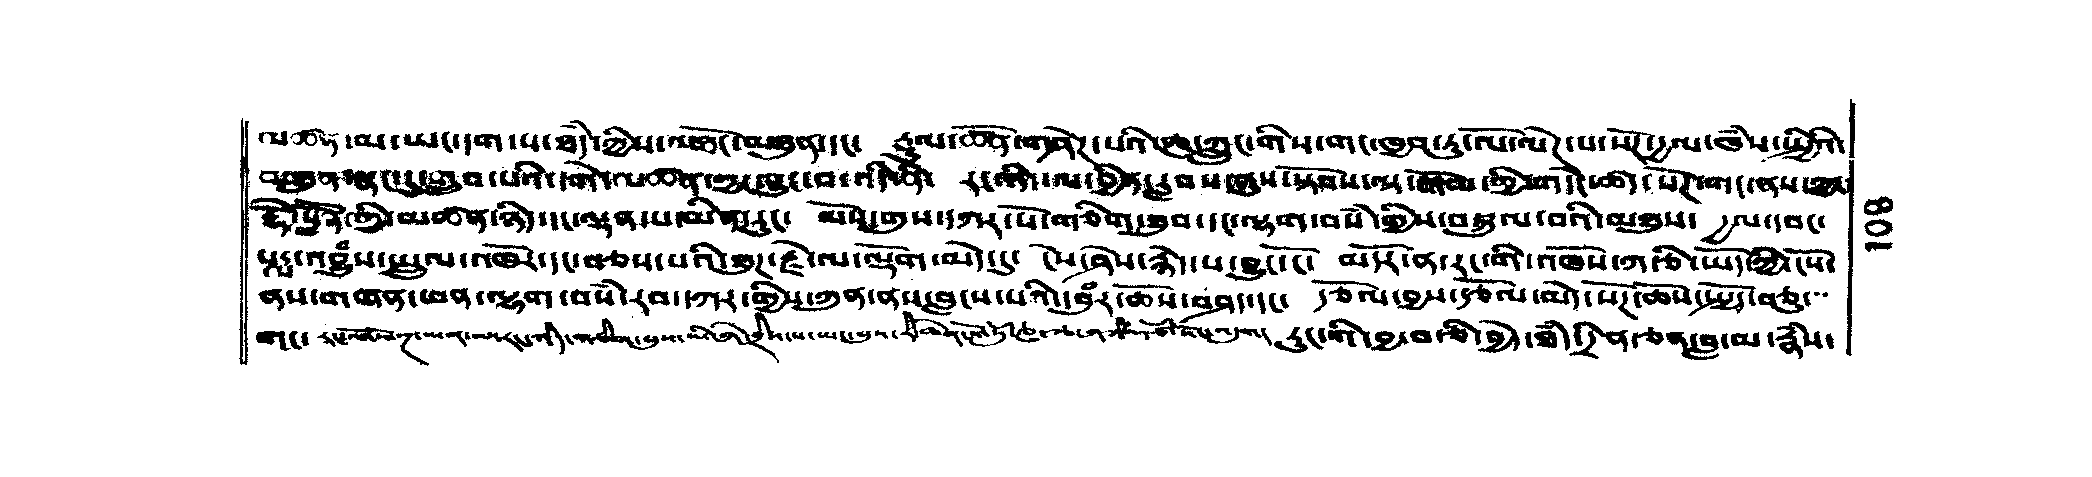མཚན་མ་ཡང་དག་པ་ཐམས་ཅད་ཀྱིས་མཐོང་མཐུན་དང་། རྡུལ་ཚོན་གཤེགས་པའི་ཆུ་ཀླུང་གིས་གང་ཁྱབ་ཏུ་ལོ་ལེགས་པ་སོགས་རྒྱལ་ཁམས་སྤྱིའི་
མཐུན་སྣང་དུ་གྲུབ་པའི་དགེ་མཚན་ཀྱང་བྱུང་བ་འདི་ནི། རང་ཉིད་ལ་བྱིན་རླབས་ནུས་སྟོབས་ལྟ་སྒོམ་གྱི་གདེང་ཚད་སོགས་གང་ནས་ཀྱང་
རྡོ་རྗེ་སློབ་དཔོན་གྱི་མཚན་ཉིད་དང་ལྡན་པ་མིན་རུང་། མོས་གུས་དཀར་པོ་གཅིག་ཐུབ་དང་ལྷག་བསམ་གྱིས་བསྐུལ་བའི་མཐུས། རྒྱལ་དབང་
པདྨ་འབྱུང་གནས་སྤྲུལ་འཁོར་དང་བཅས་པའི་ཐུགས་རྗེ་ལ་ལྡོག་མེད་དུ་ངེས་ཤེས་རྙེད་པ་བྱུང་ངོ་། མདོར་ན་རང་གི་འཁོས་ཀ་ཅི་ཡོད་ཀྱི་ངོས་
ནས་གཞན་ཕན་ལྷག་བསམ་རབ་དཀར་གྱིས་ཀུན་ནས་བླངས་པའི་དབང་བསྐུར་ཆོས་བཤད་དང་། རྩོལ་བྱས་རྩོལ་མེད་སོགས་ཆོས་སྤྱོད་བཅུ་
གང་{ རང་ལོ་སོ་ལྔ་ཡན་ལ་རང་ཉིད་གཅིག་པུས་ཡི་གེ་བྲིས་པ་ཡང་པོ་སྟི་ཆེན་པོ་སུམ་ཅུ་རྩ་གཉིས་ཙམ་སོང་འདུག}རུང་གི་བྱ་བ་ཅི་བྱེད་ཐམས་ཅད་དྲིན་ཅན་བླ་མ་རྣམས་